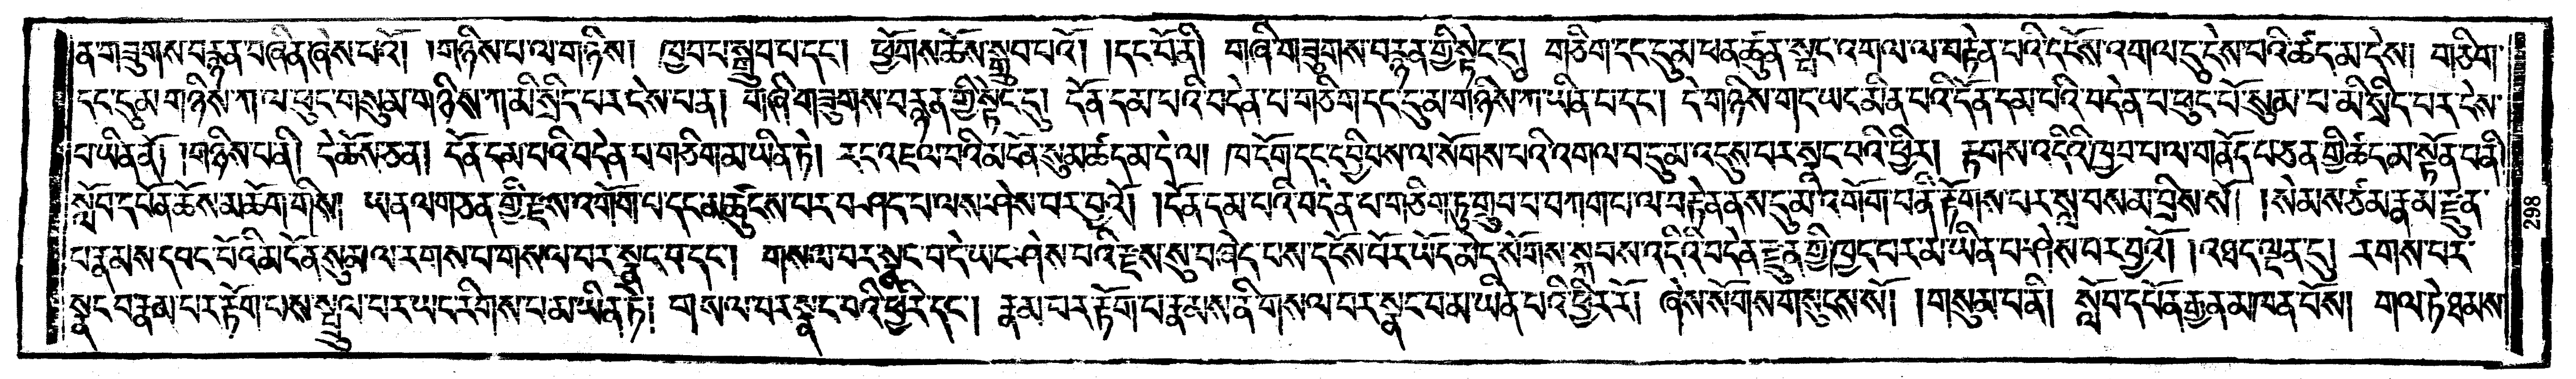ན་གཟུགས་བརྙན་བཞིན་ཞེས་པའོ། །གཉིས་པ་ལ་གཉིས། ཁྱབ་པ་སྒྲུབ་པ་དང་། ཕྱོགས་ཆོས་སྒྲུབ་པའོ། །དང་པོ་ནི། གཞི་གཟུགས་བརྙན་གྱི་སྟེང་དུ། གཅིག་དང་དུ་མ་ཕན་ཚུན་སྤང་འགལ་ལ་བརྟེན་པའི་དངོས་འགལ་དུ་ངེས་པའི་ཚད་མ་དེས། གཅིག་
དང་དུ་མ་གཉིས་ཀ་ལ་ཕུང་གསུམ་གཉིས་ཀ་མི་སྲིད་པར་ངེས་པ་ན། གཞི་གཟུགས་བརྙན་གྱི་སྟེང་དུ། དོན་དམ་པའི་བདེན་པ་གཅིག་དང་དུ་མ་གཉིས་ཀ་ཡིན་པ་དང་། དེ་གཉིས་གང་ཡང་མིན་པའི་དོན་དམ་པའི་བདེན་པ་ཕུང་པོ་སུམ་པ་མི་སྲིད་པར་ངེས་
པ་ཡིན་ནོ། །གཉིས་པ་ནི། དེ་ཆོས་ཅན། དོན་དམ་པའི་བདེན་པ་གཅིག་མ་ཡིན་ཏེ། རང་འཇལ་བའི་མངོན་སུམ་ཚད་མ་དེ་ལ། ཁ་དོག་དང་དབྱིབས་ལ་སོགས་པའི་འགལ་བ་དུ་མ་འདུས་པར་སྣང་བའི་ཕྱིར། རྟགས་འདིའི་ཁྱབ་པ་ལ་གནོད་པ་ཅན་གྱི་ཚད་མ་སྟོན་པ་ནི།
སློབ་དཔོན་ཆོས་མཆོག་གིས། ཡན་ལག་ཅན་གྱི་རྫས་འགོག་པ་དང་མཚུངས་པར་བཤད་པ་ལས་ཤེས་པར་བྱའོ། །དོན་དམ་པའི་བདེན་པ་གཅིག་ཏུ་གྲུབ་པ་བཀག་པ་ལ་བརྟེན་ནས་དུ་མ་འགོག་པ་ནི་རྟོགས་པར་སླ་བས་མ་བྲིས་སོ། །སེམས་ཙམ་རྣམ་རྫུན་
པ་རྣམས་དབང་པོའི་མངོན་སུམ་ལ་རགས་པ་གསལ་བར་སྣང་བ་དང་། གསལ་བར་སྣང་བ་དེ་ཡང་ཤེས་པའི་རྫས་སུ་བཞེད་པས་དངོས་པོར་ཡོད་མེད་སོགས་སྐབས་འདིའི་བདེན་རྫུན་གྱི་ཁྱད་པར་མ་ཡིན་པ་ཤེས་པར་བྱའོ། །འཐད་ལྡན་དུ། རགས་པར་
སྣང་བ་རྣམ་པར་རྟོག་པས་སྤྲུལ་པར་ཡང་རིགས་པ་མ་ཡིན་ཏེ། གསལ་བར་སྣང་བའི་ཕྱིར་དང་། རྣམ་པར་རྟོག་པ་རྣམས་ནི་གསལ་བར་སྣང་བ་མ་ཡིན་པའི་ཕྱིར་རོ། ཞེས་སོགས་གསུངས་སོ། །གསུམ་པ་ནི། སློབ་དཔོན་རྒྱན་མཁན་པོས། གལ་ཏེ་ཐམས་